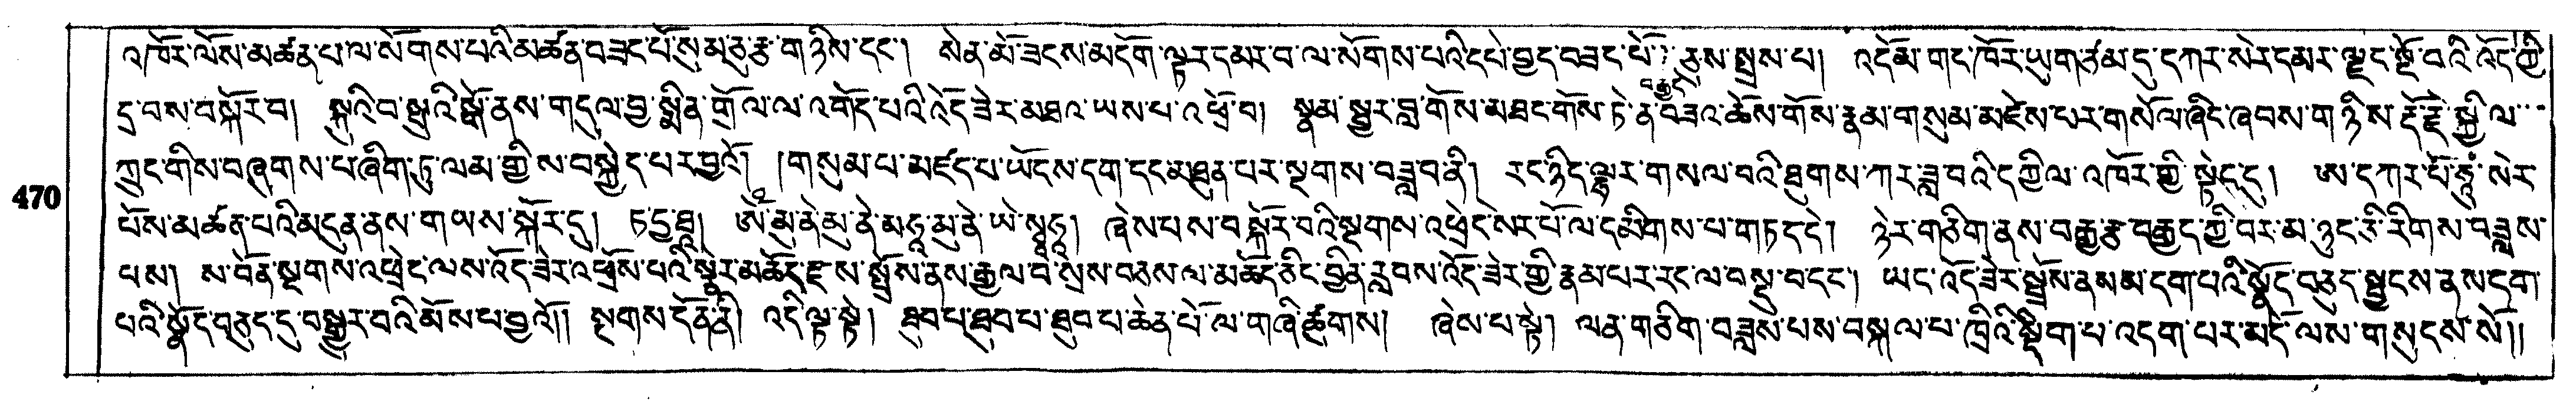འཁོར་ལོས་མཚན་པ་ལ་སོགས་པའི་མཚན་བཟང་པོ་སུམ་ཅུ་རྩ་གཉིས་དང་། སེན་མོ་ཟངས་མདོག་ལྟར་དམར་བ་ལ་སོགས་པའི་དཔེ་བྱད་བཟང་པོ་བརྒྱད་ཅུས་སྤྲས་པ། འདོམ་གང་ཁོར་ཡུག་ཙམ་དུ་དཀར་སེར་དམར་ལྗང་སྔོ་བའི་འོད་ཀྱི་
དྲ་བས་བསྐོར་བ། སྐུའི་བ་སྤུའི་སྒོ་ནས་གདུལ་བྱ་སྨིན་གྲོལ་ལ་འགོད་པའི་འོད་ཟེར་མཐའ་ཡས་པ་འཕྲོ་བ། སྣམ་སྦྱར་བླ་གོས་མཐང་གོས་ཏེ་ན་བཟའ་ཆོས་གོས་རྣམ་གསུམ་མཛེས་པར་གསོལ་ཞིང་ཞབས་གཉིས་རྡོ་རྗེ་སྐྱིལ་
ཀྲུང་གིས་བཞུགས་པ་ཞིག་ཏུ་ལམ་གྱིས་བསྐྱེད་པར་བྱའོ། །གསུམ་པ་མཛད་པ་ཡོངས་དག་དང་མཐུན་པར་སྔགས་བཟླ་བ་ནི། རང་ཉིད་ལྷར་གསལ་བའི་ཐུགས་ཀར་ཟླ་བའི་དཀྱིལ་འཁོར་གྱི་སྟེང་དུ། ཨ་དཀར་པོ་ཧཱུཾ་སེར་
པོས་མཚན་པའི་མདུན་ནས་གཡས་སྐོར་དུ། ཏ་དྱ་ཐཱ། ཨོཾ་མུ་ནེ་མུ་ནེ་མྷཱ་མུ་ནེ་ཡེ་སྭཱཧཱ། ཞེས་པས་བསྐོར་བའི་སྔགས་འཕྲེང་སེར་པོ་ལ་དམིགས་པ་གཏད་དེ། ཉེར་གཅིག་ནས་བརྒྱ་རྩ་བརྒྱད་ཀྱི་བར་མ་ཉུང་ཅི་རིགས་བཟླས་
པས། ས་བོན་སྔགས་འཕྲེང་ལས་འོད་ཟེར་འཕྲོས་པའི་སྣེར་མཆོད་རྫས་སྤྲོས་ནས་རྒྱལ་བ་སྲས་བཅས་ལ་མཆོད་ཅིང་བྱིན་རླབས་འོད་ཟེར་གྱི་རྣམ་པར་རང་ལ་བསྡུ་བ་དང་། ཡང་འོད་ཟེར་སྤྲོས་ནས་མ་དག་པའི་སྣོད་བཅུད་སྦྱངས་ནས་དག་
པའི་སྣོད་བཅུད་དུ་བསྒྱུར་བའི་མོས་པ་བྱའོ། །སྔགས་དོན་ནི། འདི་ལྟ་སྟེ། ཐུབ་པ་ཐུབ་པ་ཐུབ་པ་ཆེན་པོ་ལ་གཞི་ཚུགས། ཞེས་པ་སྟེ། ལན་གཅིག་བཟླས་པས་བསྐལ་པ་ཁྲིའི་སྡིག་པར་འདག་པར་མདོ་ལས་གསུངས་སོ། །